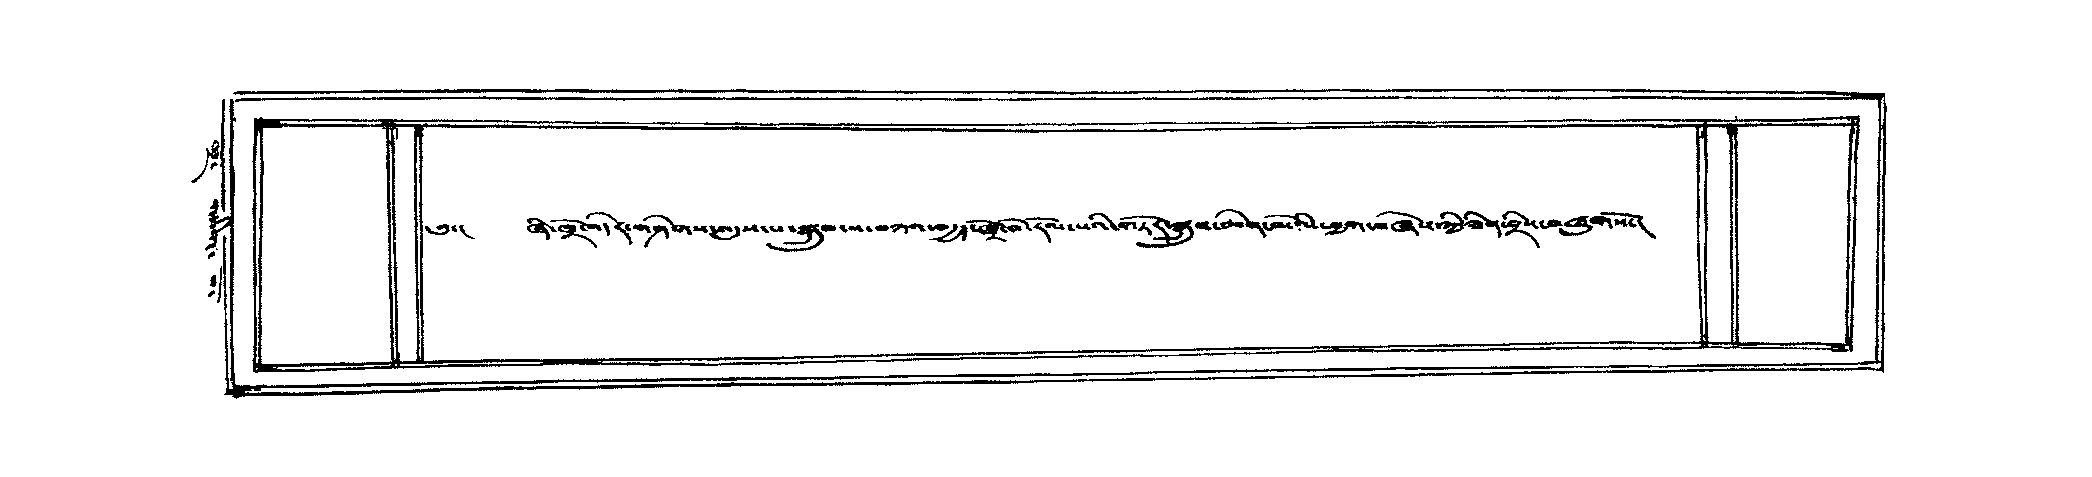༄༅། ཞི་ཁྲོ་བདེར་བཤེགས་འདུས་པ་སྒྲུབ་པ་བཀའ་བརྒྱད་ཁྲོ་བོ་རོལ་པའི་གཏོར་སྒྲུབ་ཆེན་མོའི་ཕྱག་བཞེས་ཀྱི་ཟིན་རིས་བཞུགས་སོ།